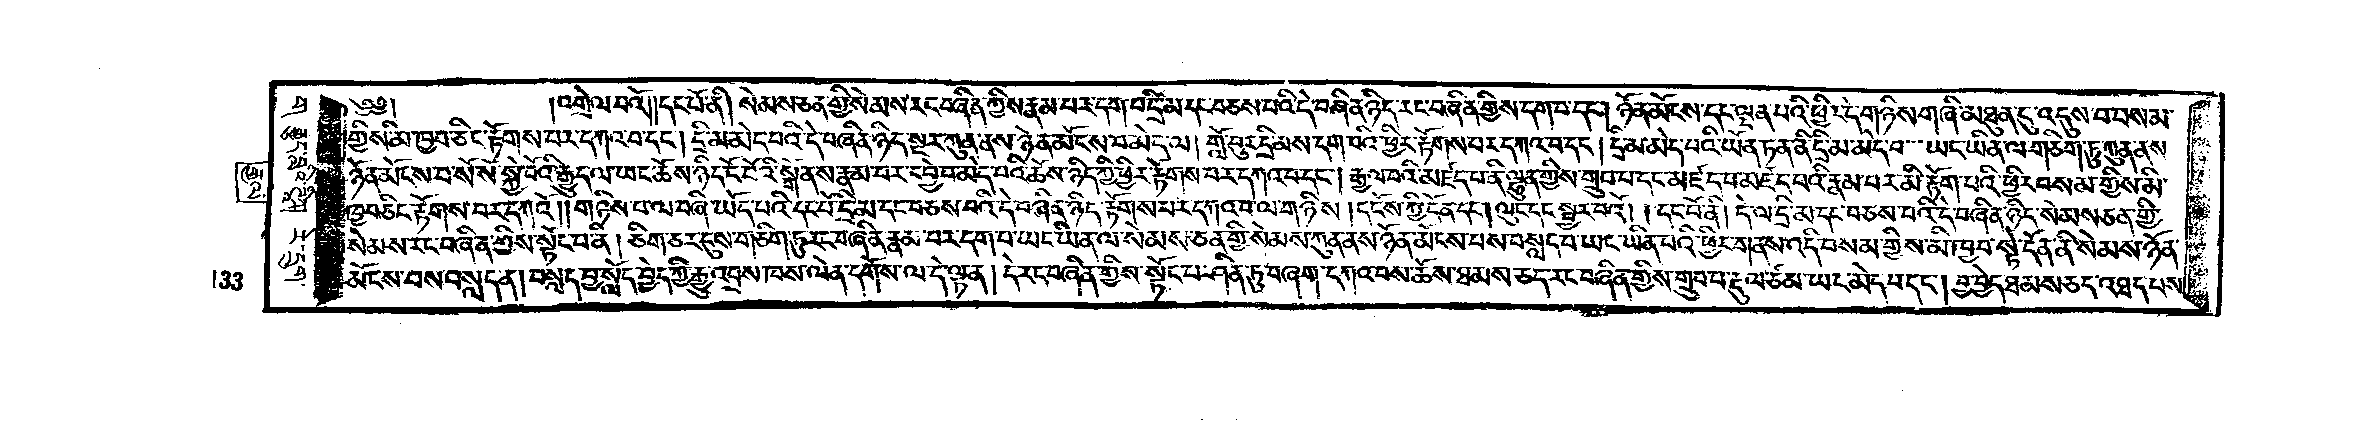༄༅། །འགྲེལ་བའོ། །དང་པོ་ནི། སེམས་ཅན་གྱི་སེམས་རང་བཞིན་གྱིས་རྣམ་པར་དག་པ་དྲི་མ་དང་བཅས་པའི་དེ་བཞིན་ཉིད་རང་བཞིན་གྱིས་དག་པ་དང་། ཉོན་མོངས་དང་ལྡན་པའི་ཕྱིར་དེ་གཉིས་གཞི་མཐུན་དུ་འདུས་པ་བསམ་
གྱིས་མི་ཁྱབ་ཅིང་རྟོགས་པར་དཀའ་བ་དང་། དྲི་མ་མེད་པའི་དེ་བཞིན་ཉིད་སྔར་ཀུན་ནས་ཉེན་མོངས་པ་མེད་ལ། གློ་བུར་དྲི་མས་དག་པའི་ཕྱིར་རྟོགས་པར་དཀའ་བ་དང་། དྲི་མ་མེད་པའི་ཡོན་ཏན་ནི་དྲི་མ་མེད་པ་ཡང་ཡིན་ལ་གཅིག་ཏུ་ཀུན་ནས་
ཉོན་མོངས་པ་སོ་སོ་སྐྱེ་བོའི་རྒྱུད་ལ་ཡང་ཆོས་ཉིད་ངོ་བོའི་སྒོ་ནས་རྣམ་པར་དབྱེ་བ་མེད་པའི་ཆོས་ཉིད་ཀྱི་ཕྱིར་རྟོགས་པར་དཀའ་བ་དང་། རྒྱལ་བའི་མཛད་པ་ནི་ལྷུན་གྱིས་གྲུབ་པ་དང་མཛད་པ་མཛད་པའི་རྣམ་པར་མི་རྟོག་པའི་ཕྱིར་བསམ་གྱིས་མི་
ཁྱབ་ཅིང་རྟོགས་པར་དཀའོ། །གཉིས་པ་ལ་བཞི་ཡོད་པའི་དང་པོ་དྲི་མ་དང་བཅས་པའི་དེ་བཞིན་ཉིད་རྟོགས་པར་དཀའ་བ་ལ་གཉིས། དངོས་ཀྱི་དོན་དང་། ལུང་དང་སྦྱར་བའོ། །དང་པོ་ནི། དེ་ལ་དྲི་མ་དང་བཅས་པའི་དེ་བཞིན་ཉིད་སེམས་ཅན་གྱི་
སེམས་རང་བཞིན་གྱིས་སྟོང་པ་ནི། ཅིག་ཅར་དུས་གཅིག་ཏུ་རང་བཞིན་རྣམ་པར་དག་པ་ཡང་ཡིན་ལ་སེམས་ཅན་གྱི་སེམས་ཀུན་ནས་ཉོན་མོངས་པས་བསླད་པ་ཡང་ཡིན་པའི་ཕྱིར་གནས་འདི་བསམ་གྱིས་མི་ཁྱབ་སྟེ་དོན་ནི་སེམས་ཉོན་
མོངས་པས་བསླད་ན། བསླད་བྱ་སློད་བྱེད་ཀྱི་རྒྱུ་འབྲས་ཁས་ལེན་དགོས་ལ་དེ་ལྟ་ན། དེ་རང་བཞིན་གྱིས་སྟོང་པ་ཤིན་ཏུ་བཞག་དཀའ་བས་ཆོས་ཐམས་ཅད་རང་བཞིན་གྱིས་གྲུབ་པ་རྡུལ་ཙམ་ཡང་མེད་པ་དང་། བྱ་བྱེད་ཐམས་ཅད་འཐད་པས་